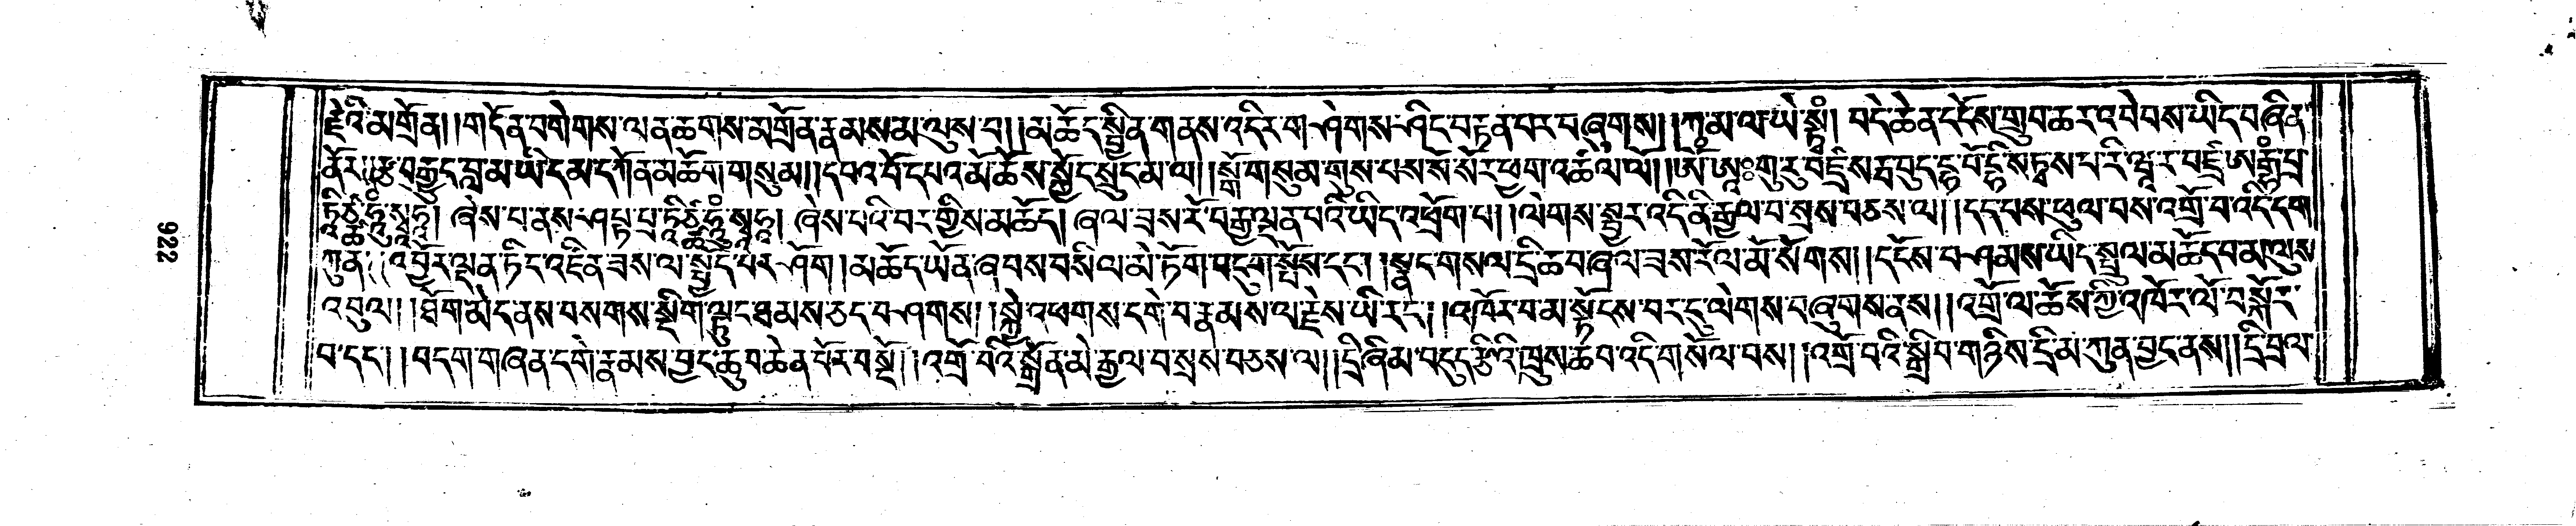རྗེའི་མགྲོན། །གདོན་བགེགས་ལན་ཆགས་མགྲོན་རྣམས་མ་ལུས་པ། །མཆོད་སྦྱིན་གནས་འདིར་གཤེགས་ཤིང་བརྟན་པར་བཞུགས། །ཀ་མ་ལ་ཡེ་སྟྭཾ། བདེ་ཆེན་དངོས་གྲུབ་ཆར་འབེབས་ཡིད་བཞིན་
ནོར༑ ༑རྩ་བརྒྱུད་བླ་མ་ཡི་དམ་དཀོན་མཆོག་གསུམ། །དཔའ་བོ་དཔའ་མོ་ཆོས་སྐྱོང་སྲུང་མ་ལ། །སྒོ་གསུམ་གུས་པས་སོ་སོར་ཕྱག་འཚལ་ལོ། །ཨོཾ་ཨཱཿ གུ་རུ་བཛྲ་སརྦ་བུད་དྷ་བོ་དྷི་སཏྭ་ས་པ་རི་ཝཱ་ར་བཛྲ་ཨརྒྷཾ་པྲ་
ཏཱི་ཙྪ་ཧཱུཾ་སྭཱཧཱ། ཞེས་པ་ནས་ཤཔྟ་པྲ་ཏཱི་ཙྪ་ཧཱུཾ་སྭཱཧཱ། ཞེས་པའི་བར་གྱིས་མཆོད། ཞལ་ཟས་རོ་བརྒྱ་ལྡན་པའི་ཡིད་འཕྲོག་པ། །ལེགས་སྦྱར་འདི་ནི་རྒྱལ་བ་སྲས་བཅས་ལ། །དད་པས་ཕུལ་བས་འགྲོ་བ་འདི་དག་
ཀུན། །འབྱོར་ལྡན་ཏིང་འཛིན་ཟས་ལ་སྤྱོད་པར་ཤོག །མཆོད་ཡོན་ཞབས་བསིལ་མེ་ཏོག་བདུག་སྤོས་དང་། །སྣང་གསལ་དྲི་ཆབ་ཞལ་ཟས་རོལ་མོ་སོགས། །དངོས་བཤམས་ཡིད་སྤྲུལ་མཆོད་པ་མ་ལུས་
འབུལ། །ཐོག་མེད་ནས་བསགས་སྡིག་ལྟུང་ཐམས་ཅད་བཤགས། །སྐྱེ་འཕགས་དགེ་བ་རྣམས་ལ་རྗེས་ཡི་རང་། །འཁོར་བ་མ་སྟོངས་བར་དུ་ལེགས་བཞུགས་ནས། །འགྲོ་ལ་ཆོས་ཀྱི་འཁོར་ལོ་བསྐོར་
བ་དང་། །བདག་གཞན་དགེ་རྣམས་བྱང་ཆུབ་ཆེན་པོར་བསྔོ། །འགྲོ་བའི་སྒྲོན་མེ་རྒྱལ་བ་སྲས་བཅས་ལ། །དྲི་ཞིམ་བདུད་རྩིའི་ཁྲུས་ཆབ་འདི་གསོལ་བས། །འགྲོ་བའི་སྒྲིབ་གཉིས་དྲི་མ་ཀུན་བྱང་ནས། །དྲི་བྲལ་